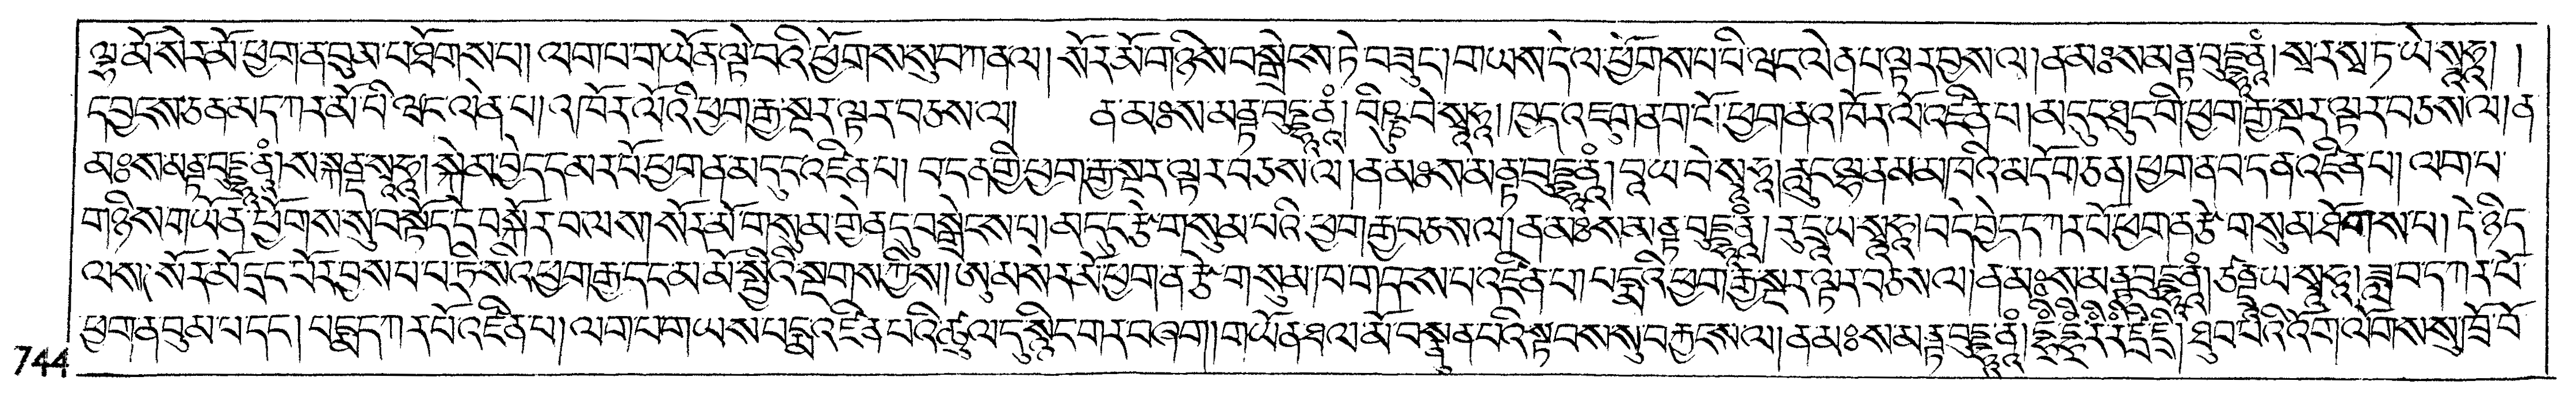ལྷ་མོ་སེར་མོ་ཕྱག་ན་བུམ་པ་ཐོགས་པ། ལག་པ་གཡོན་ལྟེ་བའི་ཕྱོགས་སུ་བཀན་ལ། སོར་མོ་གཉིས་བསྒྲེངས་ཏེ་བཟུང་། གཡས་དེ་ལ་ཕྱོགས་པ་པི་ཝང་ལེན་པ་ལྟར་བྱས་ལ། ན་མཿ ས་མནྟ་བུདྡྷཱ་ནཱཾ། སྭ་ར་སྭ་ཏ་ཡེ་སྭཱཧཱ།།
དབྱངས་ཅན་མ་དཀར་མོ་པི་ཝང་ལེན་པ། འཁོར་ལོའི་ཕྱག་རྒྱ་སྔར་ལྟར་བཅས་ལ། ན་མཿ ས་མནྟ་བུདྡྷཱ་ནཱཾ། བིཥྞུ་བེ་སྭཱཧཱ། ཁྱད་འཇུག་ནག་པོ་ཕྱག་ན་འཁོར་ལོ་འཛིན་པ། མདུང་ཐུང་གི་ཕྱག་རྒྱ་སྔར་ལྟར་བཅས་ལ། ན་
མཿ ས་མནྟ་བུདྡྷཱ་ནཱཾ། ས་སྐནྡ་སྭཱཧཱ། སྐེམ་བྱེད་དམར་པོ་ཕྱག་ན་མདུང་འཛིན་པ། བ་དན་གྱི་ཕྱག་རྒྱ་སྔར་ལྟར་བཅས་ལ། ན་མཿ ས་མནྟ་བུདྡྷཱ་ནཱཾ། བཱ་ཡ་བེ་སྭཱཧཱ། རླུང་ལྷ་ནམ་མཁའི་མདོག་ཅན། ཕྱག་ན་བ་དན་འཛིན་པ། ལག་པ་
གཉིས་གཡོན་ཕྱོགས་སུ་བསྟོད་དེ་བསྐོར་བ་ལས། སོར་མོ་གསུམ་གྱེན་དུ་བསྒྲེངས་པ། མདུང་རྩེ་གསུམ་པའི་ཕྱག་རྒྱ་བཅས་ལ། ན་མཿ ས་མནྟ་བུདྡྷཱ་ནཱཾ། རུ་དྲཱཡ་སྭཱཧཱ། བདེ་བྱེད་དཀར་པོ་ཕྱག་ན་རྩེ་གསུམ་ཐོགས་པ། དེ་ཉིད་
ལས༑ སོར་མོ་དྲང་པོར་བྱས་པ་པ་ཏྲི་སའི་ཕྱག་རྒྱ་དང་མ་མོ་སྤྱིའི་སྔགས་ཀྱིས། ཨུ་མ་སེར་མོ་ཕྱག་ན་རྩེ་གསུམ་ཁ་གདངས་པ་འཛིན་པ། པདམའི་ཕྱག་རྒྱ་སྔར་ལྟར་བཅས་ལ། ན་མཿ ས་མནྟ་བུདྡྷཱ་ནཱཾ། ཙནྡྲཱ་ཡ་སྭཱཧཱ། ཟླ་བ་དཀར་པོ་
ཕྱག་ན་བུམ་པ་དང་། པདམ་དཀར་པོ་འཛིན་པ། ལག་པ་གཡས་པདམ་འཛིན་པའི་ཚུལ་དུ་སྙིང་གར་བཞག །གཡོན་ཐལ་མོ་བསྣུན་པའི་སྟབས་སུ་བརྐྱངས་ལ། ན་མཿ ས་མནྟ་བུདྡྷཱ་ནཱཾ། དྷྲིཾ་དྷྲིཾ་རིཾ་རིཾ་ཛྲི་ཛྲི། ཐུབ་པའི་འོག་ལོགས་སུ་ཁྲོ་བོ་